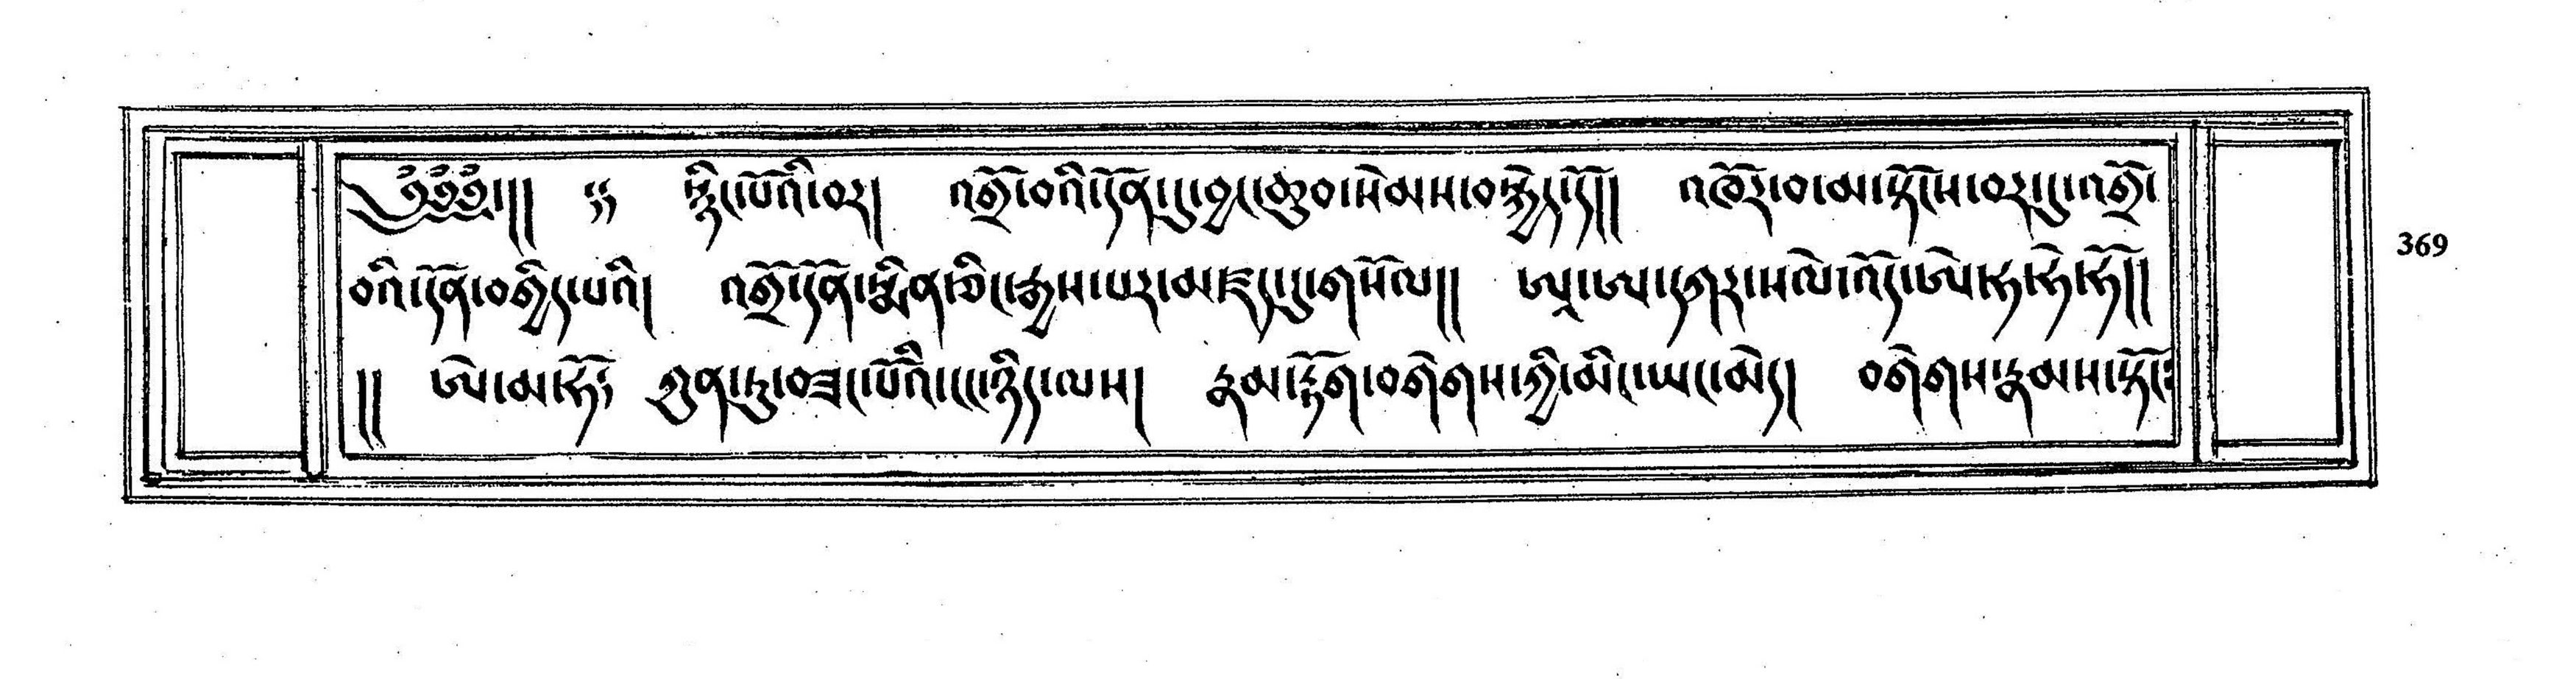སྙིང་པོའི་བར། འགྲོ་བའི་དོན་དུ་བྱང་ཆུབ་སེམས་བསྐྱེད་དོ།། འཁོར་བ་མ་སྟོངས་བར་དུ་འགྲོ་
བའི་དོན་བགྱིད་པའི། འགྲོ་དོན་སྨིན་ཅིང་རྒྱས་པར་མཛད་དུ་གསོལ།། ཨཱ་ཨ་དཀར་སལེ་འོད་ཨེ་ཧ་ཧེ་ཧོ།། 
།།ཨེ་མ་ཧོ ཀུན་ཏུ་བཟང་པོའི་ངང་ཉིད་ལས། རྣམ་རྟོག་བགེགས་ཀྱི་མིང་ཡང་མེད། བགེགས་རྣམས་སྟོང་